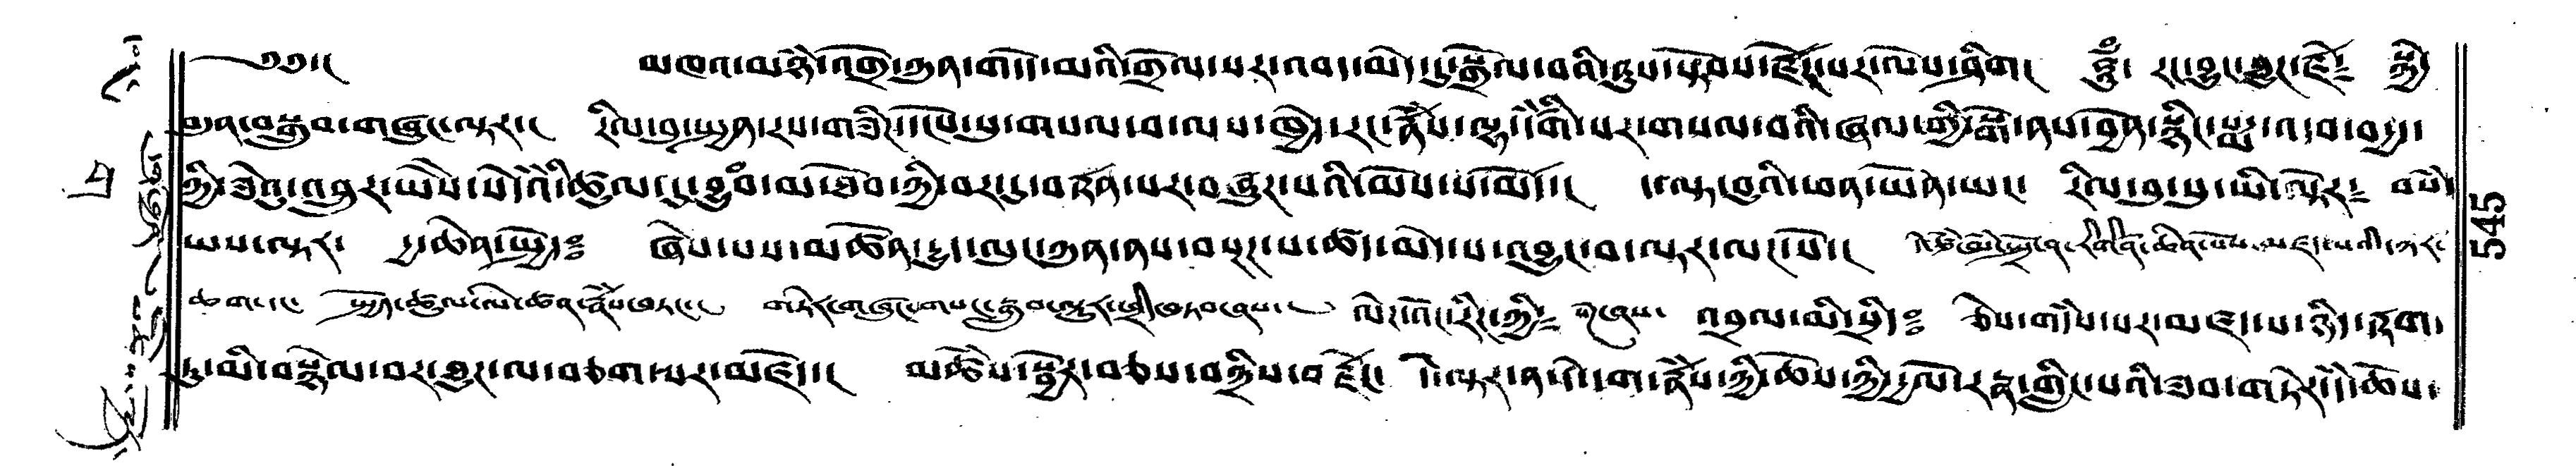མཁའ་མཉམ་འགྲོ་ཀུན་གདོད་མའི་གྲོལ་སར་འབད་མེད་དུ་གྲོལ་བའི་ནུས་སྟོབས་རྫོགས་པར་མོས་ཤིག ཧཱུྃ། རང་བྱུང་ཐུགས་རྗེ༴ སྐྱེ་
བདུན་སྒྲུབ་གཞུང་ལྟར། རིལ་བུ་སྤྱན་རས་གཟིགས་དངོས་སུ་གསལ་བ་ལས་ཁྱེད་རང་རྣམས་ལྷ་དམ་ཚིག་པར་གསལ་བའི་ཞལ་གྱི་སྒོ་ནས་བྱོན།སྙིང་པདྨ་འདབ་བརྒྱད་
ཀྱི་ཟེའུ་འབྲུར་ཡེ་ཤེས་སེམས་དཔའི་ཚུལ་དུ་བྱང་ཆུབ་མ་ཐོབ་ཀྱི་བར་དུ་བརྟན་པར་བཞུགས་པའི་མོས་པ་མཛོད། དེ་ལྟ་བུའི་ཕན་ཡོན་ཡང་། རིལ་བུ་སུ་ཡི་ལྟོར༴ བསམ་
ཡས་ལྟར༴ རྒྱ་ཆེན་སྤྱོད༔ ཞེས་པས་མཚོན་རྒྱུད་ལུང་ཀུན་ནས་བསྔགས་པ་ཚད་མེད་པ་འབྱུང་བ་ལྟར་ལགས་སོ། །དེ་ཙམ་མི་སྤྲོ་ན་རིག་འཛིན་ཆེན་པོས་མཛད་པའི་དཀར་
ཆག་དང་སྤྱོད་ཚུལ་ལེ་ཚན་རྣམས་གཏང་། གཏེར་གཞུང་གསང་སྒྲུབ་ལྟ་བུར་ཁྲིད་བཏབ་ནས། ལེགས་འོང་རིགས་ཀྱི༴ སོགས་ནས ། འབྲལ་མི་སྲིད༔ ཅེས་གདམས་པར་མཛད་པ་ཉིད་རྟག་
ཏུ་མི་བསྙེལ་བར་ཐུགས་ལ་འཇགས་པར་མཛོད། མཚམས་སྦྱོར་བཅས་བཀྲ་ཤིས་རྗོད། དེ་ལྟར་ན་དེ་དག་རྣམས་ཀྱི་ཆོས་ཀྱི་རྒྱལ་པོ་རཏྣ་གླིང་པའི་ཟབ་གཏེར་དམ་ཆོས་